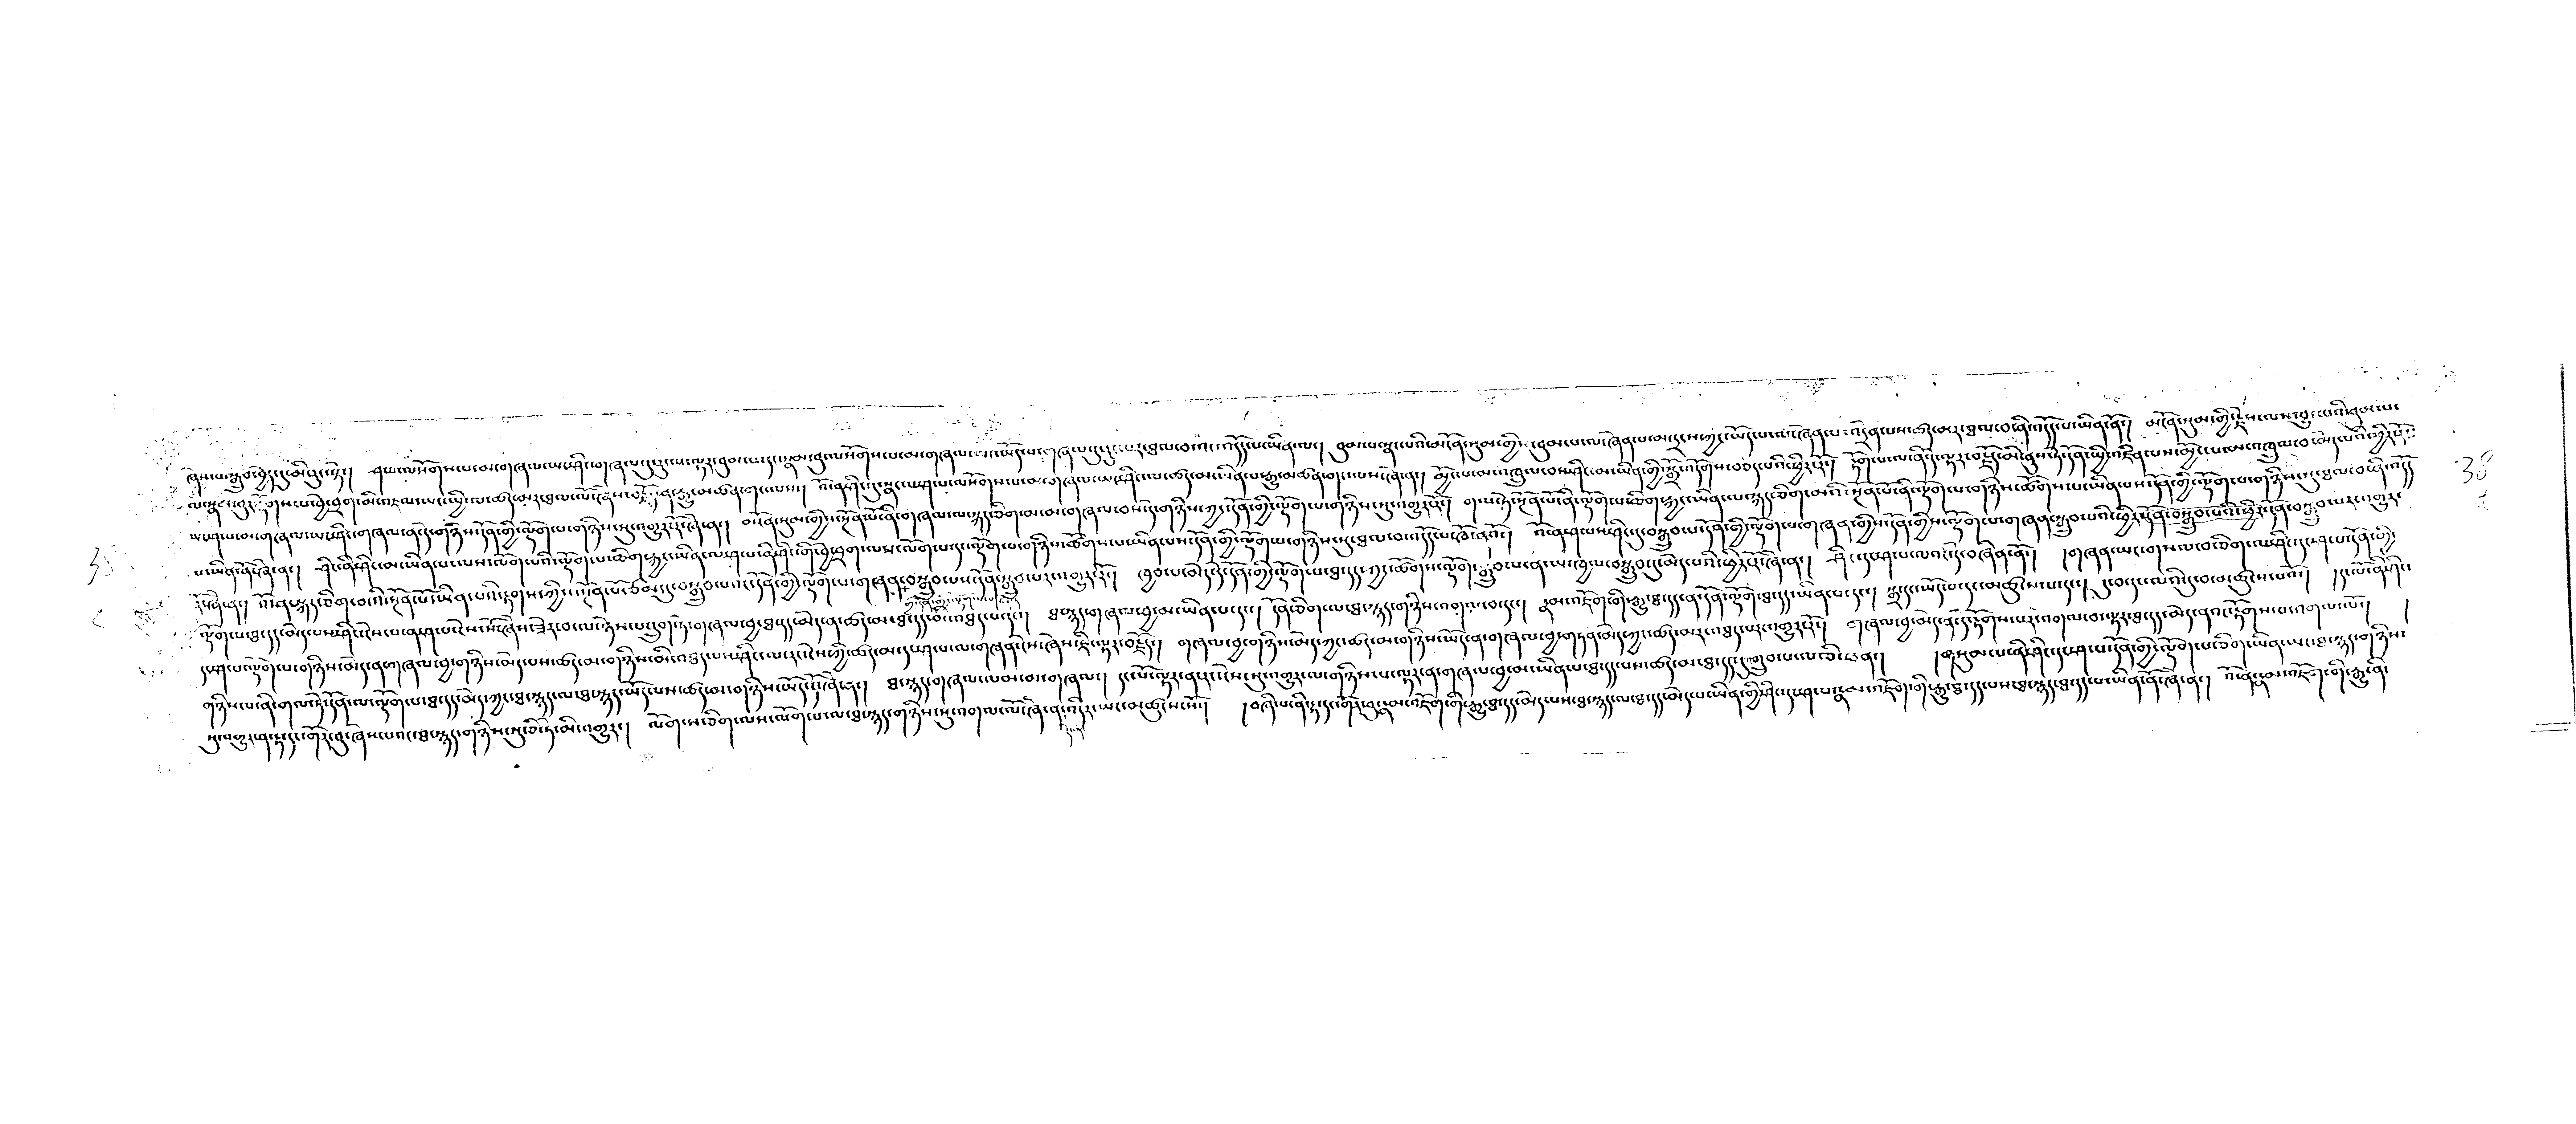ཞེས་པ་སྒྲུབ་བྱེད་དུ་མི་རུང་སྟེ། ཤ་པ་ལ་སོགས་པ་མ་གཞལ་ཡས་ཤིང་གཞལ་དུ་རུང་པ་ལྟར་བུམ་པ་དང་སྣམ་བུ་ལ་སོགས་པ་མ་གཞལ་ཡང་ཡོད་པ་གཞལ་དུ་རུང་པར་ཐལ་བ་འང་འདོད་པ་ཡིན་ལ། བུམ་པ་སྣང་པའི་མངོན་སུམ་གྱིས་བུམ་པ་ལ་ཞེན་པ་མ་དྲངས་ཀྱང་ཡོད་པ་ལ་ཞེན་པ་འདྲེན་པས་ཚད་མར་ཐལ་བ་ནི་འདོད་པ་ཡིན་ནོ། མངོན་སུམ་གྱི་རྗེས་ལས་བྱུང་པའི་བུམ་པ་
ལ་སྣམ་བུར་རྟོགས་པ་བྱེ་བྲག་མི་འཇལ་ཡང་སྤྱི་ལ་ཚད་མར་ཐལ་པོ་ཞེས་བརྗོད་ན་རྒྱུ་མཚན་ག་ལས། འོ་ན་ཤིང་དུ་སྣང་པ་ཤ་པ་ལ་སོགས་པ་མ་གཞལ་ཡང་ཤིང་ལ་ཚད་མ་ཡིན་པ་རྒྱུ་མཚན་གང་ལས་ཞེ་ན། མྱོང་པ་མ་འཁྲུལ་བས་ཤིང་མ་ཡིན་གྱི་སྒྲོ་འདོགས་བཅད་པའི་ཕྱིར་རོ། རྟོག་པ་ལ་ནི་དེ་ལྟར་བརྗོད་མི་ནུས་ཏེ་དོན་སྤྱི་འཛིན་པས་མྱོང་པ་མ་འཁྲུལ་བ་མེད་པའི་ཕྱིར་རོ།
ཡང་ཤ་པ་མ་གཞལ་ཡང་ཤིང་གཞལ་ན་དེ་གཉིས་དོན་གྱི་ལྡོག་པ་གཉིས་སུ་འགྱུར་རོ་ཞེ་ན། མངོན་སུམ་གྱིས་སྔོན་པོ་ནི་གཞལ་ལ་སྐད་ཅིག་མ་མ་གཞལ་བས་དེ་གཉིས་ཀྱང་དོན་གྱི་ལྡོག་པ་གཉིས་སུ་འགྱུར་རོ། གལ་ཏེ་སྔོན་པོ་ནི་ལྡོག་པ་ཅིག་རྐྱང་ཡིན་པ་སྐད་ཅིག་མའི་སྔོན་པོ་ནི་ལྡོག་པ་གཉིས་ཚོགས་པ་ཡིན་པས་དོན་གྱི་ལྡོག་པ་གཉིས་སུ་ཐལ་བ་ནི་འདོད་
པ་ཡིན་ནོ་ཞེ་ན། ཤིང་ནི་ཤིང་མ་ཡིན་པ་ལས་ལོག་པའི་ལྡོག་པ་ཆིག་རྐྱང་ཡིན་ལ་ཤ་པ་ནི་ཤིང་གི་བྱེ་བྲག་ལས་ལོག་པ་དང་ལྡོག་པ་གཉིས་ཚོགས་པ་ཡིན་པས་དོན་གྱི་ལྡོག་པ་གཉིས་སུ་ཐལ་བ་འདོད་པ་ཁོ་ནའོ། འོ་ན་ཤ་པས་ཤིང་དུ་བསྒྲུབ་པ་དོན་གྱི་ལྡོག་པ་གཞན་གྱིས་དོན་གྱིས་ལྡོག་པ་གཞན་སྒྲུབ་པའི་ཕྱིར་དོན་བསྒྲུབ་པའི་ཕྱིར་དོན་བསྒྲུབ་པར་འགྱུར་
རོ་ཞེ་ན། འོ་ན་སྐད་ཅིག་མའི་སྔོན་པོ་ཡིན་པའི་རྟགས་ཀྱིས་སྔོན་པོ་ཙམ་དུ་བསྒྲུབ་པའང་དོན་གྱི་ལྡོག་པ་གཞན་གྱི་དོན་གྱི་ལྡོག་པ་གཞན་བསྒྲུབ་པས་དོན་སྒྲུབ་པར་འགྱུར་རོ། ཁྱབ་པ་མེད་དེ་དོན་གྱི་ལྡོག་པ་ཐ་དད་ཀྱང་ཚོགས་ལྡོག་སྒྲུབ་པ་ན་ཡ་ཁྱལ་བསྒྲུབ་དུ་མེད་པའི་ཕྱིར་རོ་ཞེ་ན། ཤིང་དང་ཤ་པ་ལའང་དེ་བཞིན་ནོ། །གཞན་ཡང་གསལ་བ་ཅིག་ལ་ཤིང་དང་ཤ་པ་དོན་གྱི་
ལྡོག་པ་ཐ་དད་མེད་པས་ཤིང་ངེས་པ་ན་ཤ་པ་ངེས་སོ་ཞེས་ཟེར་བ་ལ་ཉེས་པ་དྲུག་ཏེ་གཞལ་བྱ་ཐ་དད་མེད་ན་ཚད་མ་ཐ་དད་བ་འཐད་པ་དང་། ཐ་སྙད་གཞལ་བྱ་མ་ཡིན་པ་དང་། དོན་ཅིག་ལ་ཐ་སྙད་གཉིས་འགལ་བ་དང་། རྣམ་འཇོག་གི་རྒྱུ་ཐ་དད་ན་དོན་ལྡོག་ཐ་དད་ཡིན་པ་དང་། སྒྲ་དང་ཡོད་པ་དང་མཚུངས་པ་དང་། དུ་བ་དང་མེའི་དུ་བ་མཚུངས་པའོ། །དང་པོ་ནི་ཤིང་
དང་ཤ་པ་ལྡོག་པ་གཉིས་མེད་ན་གཞལ་བྱ་གཉིས་མེད་པས་ཚད་མ་གཉིས་མི་འཐད་པས་ཤིང་ལ་རང་ངེས་ཀྱི་ཚད་མ་དང་ཤ་པ་ལ་གཞན་ངེས་ཞེས་ཇི་ལྟར་བརྗོད། གཞལ་བྱ་གཉིས་མེད་ཀྱང་ཚད་མ་གཉིས་ཡོད་ན་གཞལ་བྱ་གཏན་མེད་ཀྱང་ཚད་མར་འཐད་པར་འགྱུར་རོ། གཞལ་བྱ་མེད་ན་དེ་རྟོགས་པར་འགལ་བ་ལྟར་ཐ་དད་མེད་ནའང་རྟོགས་པ་འགལ་ལོ། །
གཉིས་པ་ནི་གལ་ཏེ་དོན་ལ་ལྡོག་པ་ཐ་དད་མེད་ཀྱང་ཐ་སྙད་ལ་ཐ་སྙད་ཡོད་པས་ཚད་མ་གཉིས་ཡོད་དོ་ཞེ་ན། ཐ་སྙད་གཞལ་ལམ་མ་གཞལ། དང་པོ་ལྟར་ན་རང་ངེས་སུ་འགྱུར་ལ་གཉིས་པ་ལྟར་ན་གཞལ་བྱ་མ་ཡིན་པ་ཐ་དད་པས་ཚད་མ་ཐ་དད་དུ་འགྲུབ་པ་ལ་ཅི་ཕན། །གསུམ་པ་ནི་ཤིང་དང་ཤ་པ་དོན་གྱི་ལྡོག་པ་ཅིག་ཡིན་ཡང་ཐ་སྙད་གཉིས་
སུ་འགྱུར་ན་རྟ་དང་གོར་བུ་ཞེས་པའང་ཐ་སྙད་གཉིས་སུ་ཅི་ཏེ་མི་འགྱུར། ལོག་ས་ཅིག་ལས་ལོག་པ་ལ་ཐ་སྙད་གཉིས་སུ་འགལ་ལོ་ཞེ་ན་དེས་ན་འདིར་ཡང་མཚུངས་སོ། །བཞི་པ་ནི་རྟ་དང་གོར་བུ་རྣམ་འཇོག་གི་རྒྱུ་ཐ་དད་མེད་པས་ཐ་སྙད་ལ་ཐ་དད་མེད་པ་ཡིན་གྱི་ཤིང་དང་ཤ་པ་རྣམ་འཇོག་གི་རྒྱུ་ཐ་དད་པས་ཐ་སྙད་ཐ་དད་པ་ཡིན་ནོ་ཞེ་ན། འོ་ན་རྣམ་འཇོག་གི་རྒྱུ་ནི་